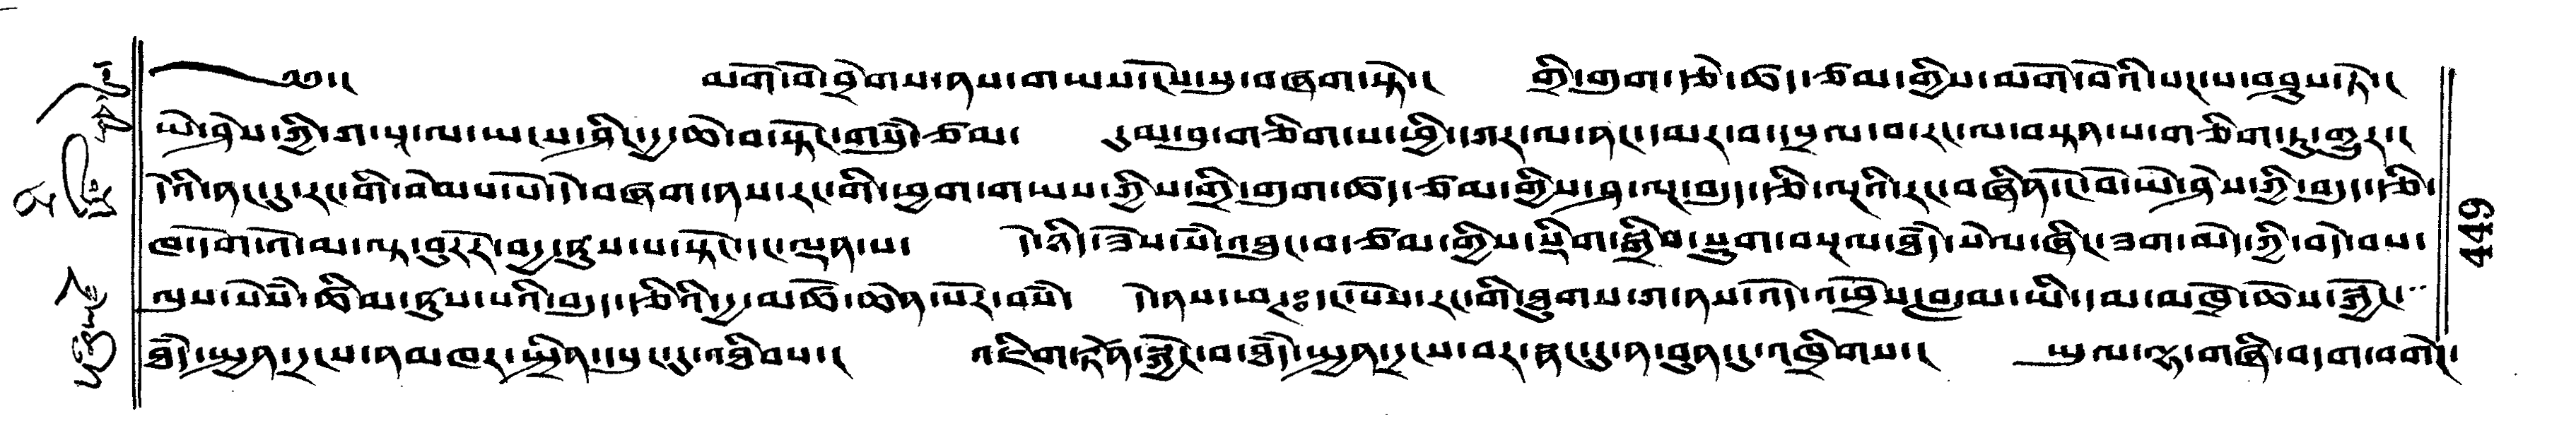མགོ་བོ་བྲེགས་ནས་གཡས་དངོས་སུ་བཞག་སྟེ། གྲི་གུག་གི་རྩེ་ཚད་ཙམ་གྱིས་མགོ་བོའི་པགས་པ་བཤུས་ཏེ། 
ཡེ་ཤེས་ཀྱི་ཀ་པཱ་ལ་ཡངས་ཤིང་རྒྱ་ཆེ་བ་སྟོང་གསུམ་ཙམ། དུམ་བུ་གཅིག་པ་ཕྱི་དཀར་ལ་ནང་དམར་བ་དཔྲལ་བ་རང་ལ་བསྟན་པ་གཅིག་ཏུ་གྱུར། 
དེའི་ནང་དུ་རང་གི་བེམ་པོ་དེ་བཞག་ནས་རང་གི་ཕྱག་གཡས་ཀྱིས་གྲི་གུག་ཚད་ཙམ་གྱིས་ཤ་ལྔ་བདུད་རྩི་ལྔའི་རང་བཞིན་ངོ་བོ་ཡེ་ཤེས་ཀྱི་བདུད་རྩི་
ཁ་དོག་འོ་མ་ལྟ་བུར་རོ་བརྒྱ་ནུས་པ་སྟོང་དང་ལྡན་པ། དེ་ཉིད་ཟོས་སམ་འཐུངས་བ་ཙམ་གྱིས་སྡིག་སྒྲིབ་སྡུག་བསྔལ་ཐམས་ཅད་སེལ་ཅིང་ཟག་མེད་ཀྱི་བདེ་བས་
ལུས་སེམས་ཚིམ་ནུས་པའི་བདུད་རྩིའི་རྒྱ་མཚོ་ཆེན་པོར་བསམ། དེ་ནས་ཕཊཿདང་པོས་རང་གི་ཐུགས་ཀ་ནས་འོད་འཕྲོས་བླ་མ་ཡི་དམ་མཁའ་འགྲོ་ཆོས་སྐྱོང་
ཐམས་ཅད་སྤྱན་དྲངས་ནམ་མཁར་སྤྲིན་དཔུང་དུ་འཐིབས། འཇིག་རྟེན་སྐྱོང་བ་ཐམས་ཅད་སྤྱན་དྲངས་བར་སྣང་དུ་ན་བུན་བཞིན་དུ་འཁྲིགས། ཡུལ་ལྷ་གཞི་བདག་བགེགས་